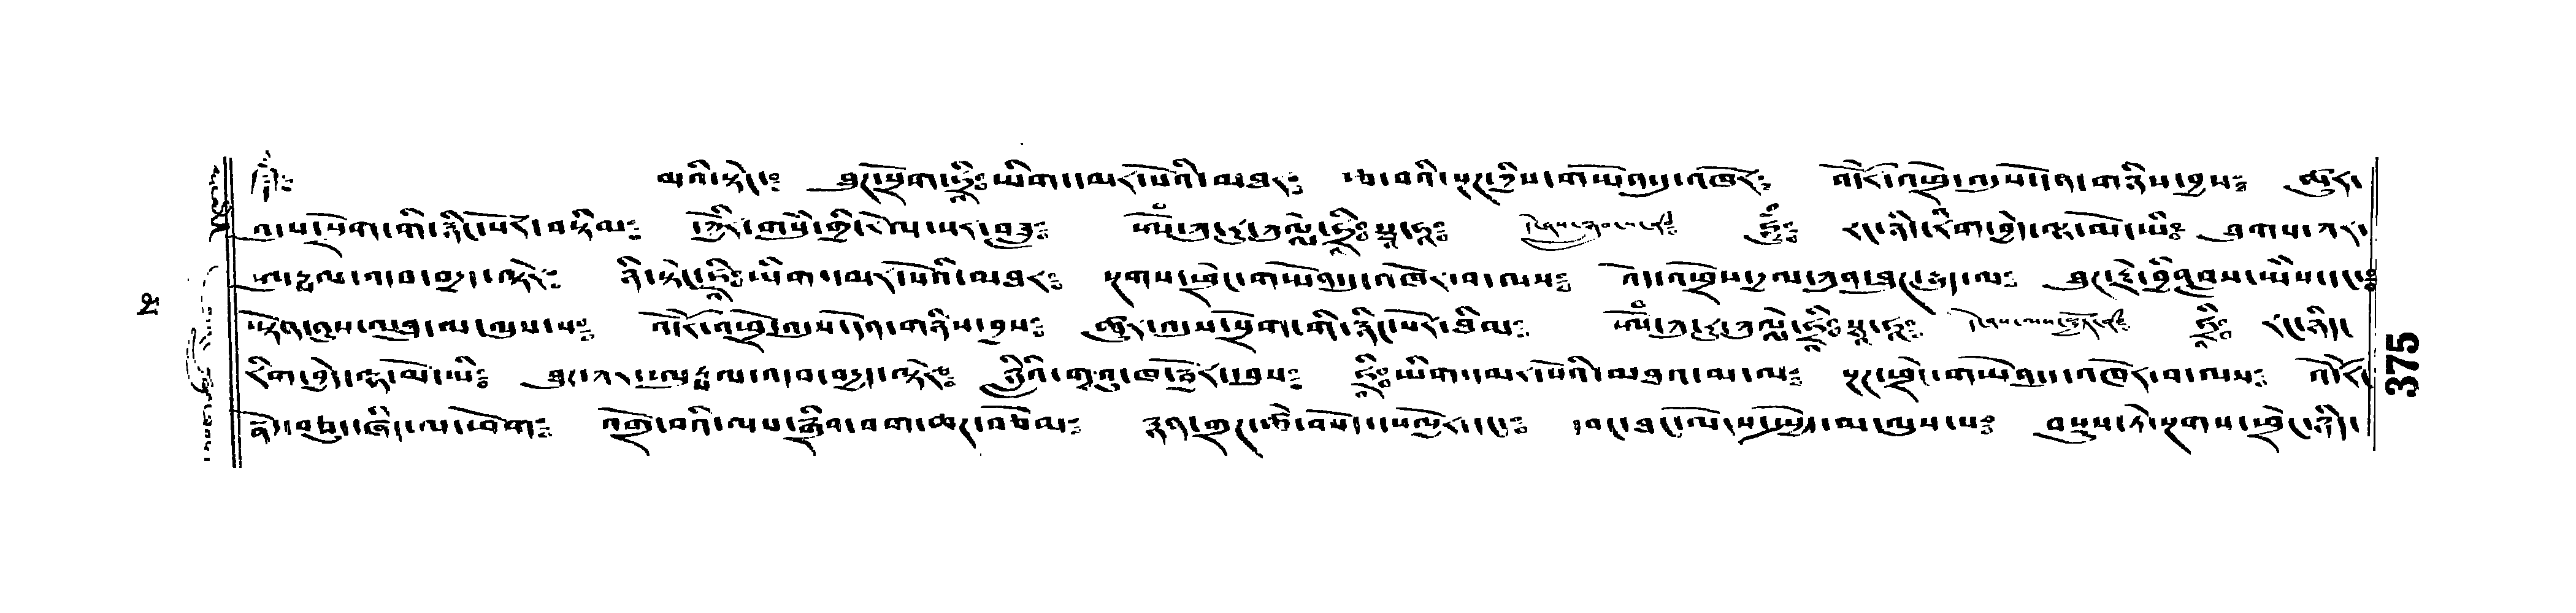མའི་སྟེང༔ ཐུགས་སྲོག་ཧྲཱིཿཡིག་དམར་པོའི་མཐར༔ རྩ་བའི་སྔགས་ཀྱིས་གཡོན་དུ་འཁོར༔ འོད་ཟེར་འཕྲོ་འདུས་དོན་གཉིས་བྱས༔ ཚུར་
འདུས་སྲོག་གི་སྙིང་པོར་བསྟིམ༔ དཀྱིལ་འཁོར་གསུམ་གྱི་རོལ་པར་བཟླ༔ ཨོཾ་ཀུ་རུ་ཀུལླེ་ཧྲིཿསྭཱ་ཧཱཿ དེ་ནས་སྒྲུབ་པ་ནི༔ ཧཱུྃ༔ རང་ཉིད་རིག་བྱེད་ལྷ་མོ་ཡི༔ ཐུགས་ཀར་
ཨུཏྤལ་འདབ་བརྒྱད་ལྟེར༔ ཉི་སྟེང་ཧྲཱིཿཡིག་དམར་པོའི་མཐར༔ སྔགས་ཕྲེང་གཡོན་དུ་འཁོར་བ་ལས༔ འོད་འཕྲོས་རྒྱལ་ཀུན་ཐུགས་རྒྱུད་ལ༔ ཐུགས་རྗེ་བྱིན་རླབས་ཡེ་ཤེས་དང༔ 
ཡོན་ཏན་ནུས་མཐུ་མ་ལུས་པ༔འོད་ཟེར་འཕྲོ་འདུས་དོན་གཉིས་བྱས༔ ཚུར་འདུས་སྲོག་གི་སྙིང་པོར་ཐིམ༔ ཨོཾ་ཀུ་རུ་ཀུལླེ་ཧྲཱིཿསྭཱ་ཧཱཿ དེ་ནས་ལས་སྦྱོར་ནི༔ ཧྲཱིཿ རང་ཉིད་
རིག་བྱེད་ལྷ་མོ་ཡི༔ ཐུགས་ཀར་ཨུཏྤལ་འདབ་བརྒྱད་ལྟེར༔ ཉི་ཟླའི་གྭའུ་ཁ་སྦྱོར་དབུས༔ ཧྲཱིཿཡིག་དམར་པོའི་མཐའ་མ་ལ༔ སྔགས་ཕྲེང་གཡོན་དུ་འཁོར་བ་ལས༔ འོད་ཟེར་
སྣོད་བཅུད་ཞིང་ལ་ཕོག༔ འགྲོ་བའི་ལས་སྒྲིབ་བག་ཆགས་བཅོམ༔ སྙན་གྲགས་ཚེ་བསོད་དཔལ་འབྱོར་དངཿ དབང་ཐང་ལོངས་སྤྱོད་མ་ལུས་པ༔ བསྡུས་ཏེ་སྔགས་ཕྲེང་ཉིད་